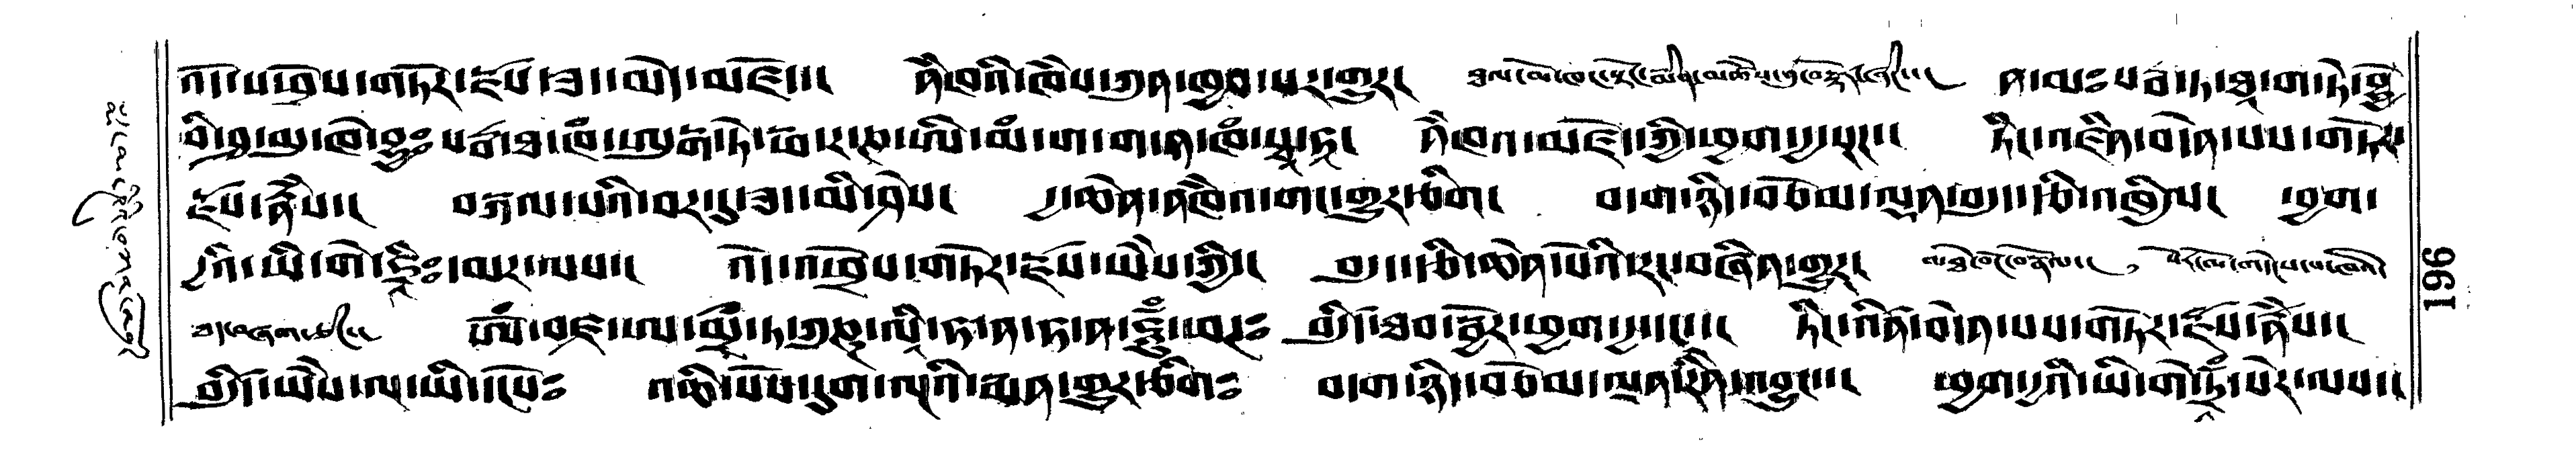།འོད་འཕྲོས་གཏོར་རྫས་ཟད་མེད་མཛོད། །ནམ་མཁའི་ཁམས་ཀུན་ཁྱབ་པར་གྱུར། ཐལ་མོ་ཁང་སྟོང་སྨིན་མཚམས་སུ་བསྐོར་ཞིང་། ན་མཿསརྦ་ཏ་ཐཱ་ག་ཏེ་བྷྱོ་
བི་ཤྭ་མུ་ཁེ་བྷྱཿསརྦ་ཐཏ་ཁཾ་ཨུཏྒ་ཏེ་སྥ་ར་ཎ་ཨི་མཾ་ག་ག་ན་ཁཾ་སྭ་ཧཱ། ནམ་མཁའ་མཛོད་ཀྱི་ཕྱག་རྒྱ་སྔགས། །ཏིང་འཛིན་བདེན་པས་གཏོར་
རྫས་རྣམས། །བསྐལ་པའི་བར་དུ་ཟད་མིེ་ཤེས། །རྒྱ་ཆེན་ནམ་མཁའ་གང་གྱུར་ཅིག།བདག་ཉིད་བཅོམ་ལྡན་བདུད་རྩི་འཁྱིལ། ཕྱག་
རྒྱའི་ཡི་གེ་ཧྲཱིཿདམར་ལས། །འོད་འཕྲོས་གཏོར་རྫས་ཡེ་ཤེས་ཀྱི། །བདུད་རྩི་ཆེན་པོའི་རང་བཞིན་གྱུར། མཐེ་བོང་བསྣོལ། སོར་མོ་གདེངས་པ་ཁའི་
ཐད་བཞག་ཅིང་། ཨོཾ་བཛྲ་ཨ་མྲྀ་ཏ་ཀུཎྜ་ལཱི་ཧ་ན་ཧ་ན་ཧཱུྃ་ཕཊཿ བདུད་རྩི་ཐབ་སྦྱོར་ཕྱག་རྒྱ་དང་། །ཏིང་འཛིན་བདེན་པས་གཏོར་རྫས་རྣམས། །
བདུད་རྩི་ཡེ་ཤེས་ལྔ་ཡི་དངོས། །འཆི་གསོས་དུག་ལྔའི་སྨན་གྱུར་ཅིག །བདག་ཉིད་བཅོམ་ལྡན་རིན་ཆེན་འབྱུང་། །ཕྱག་རྒྱའི་ཡི་གེ་ཏྲཱྃ་སེར་ལས།